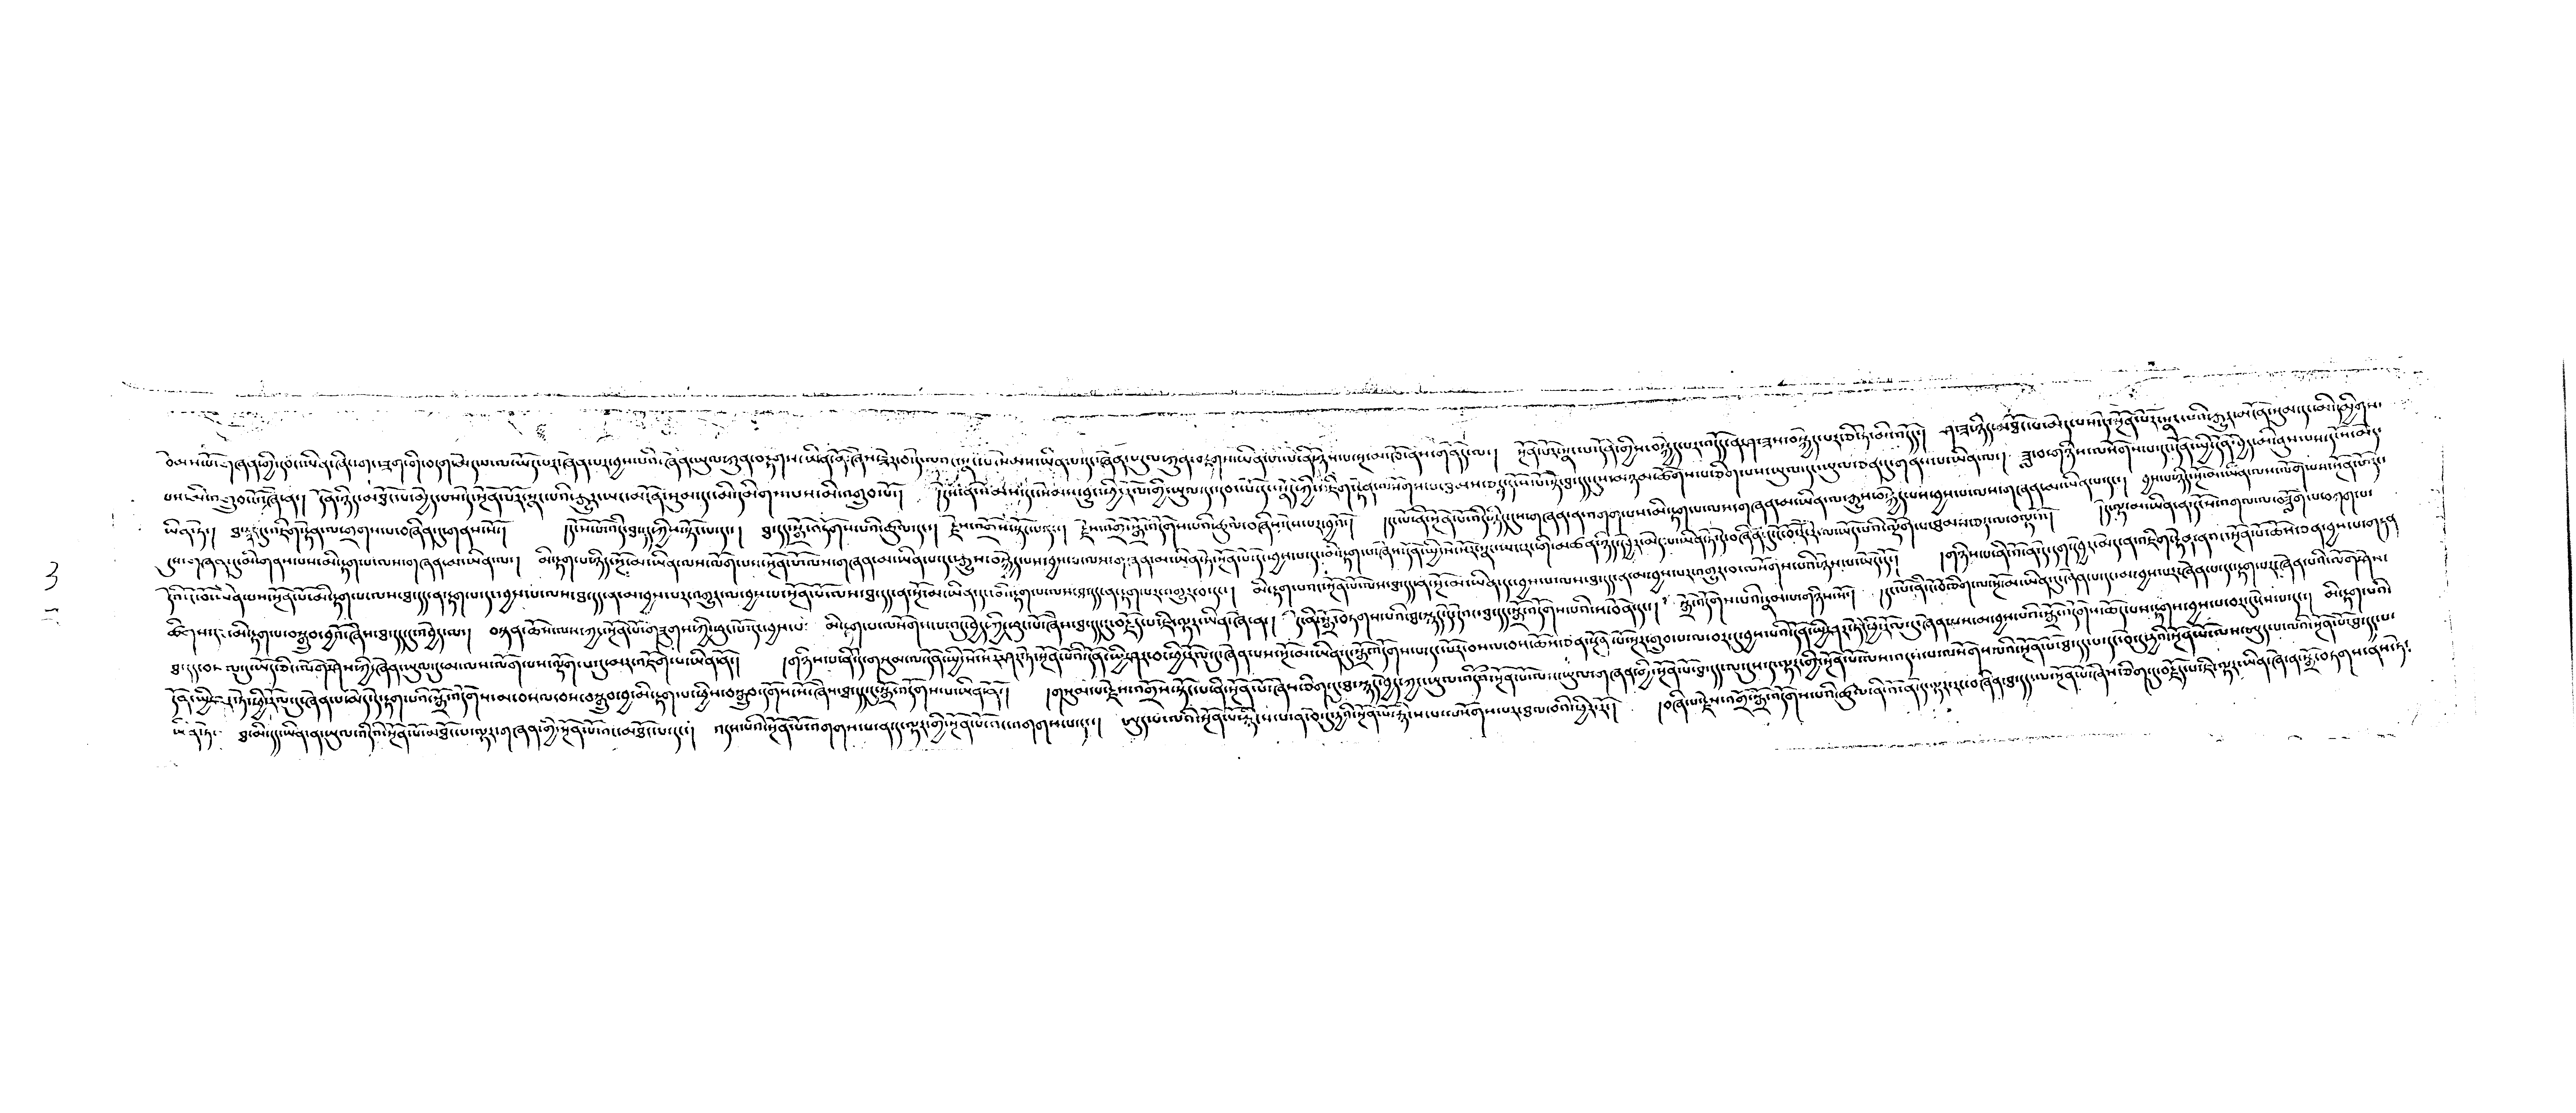བེམས་པོ་གཞན་གྱི་དབང་ཡིན་ཞིང་གང་ཟག་གི་བདག་མེད་པ་ལ་ཡོད་པར་ཞེན་པར་བྱས་པའི་ཞེན་ཡུལ་ཀུན་བརྟགས་ཡིན་ནོ་ཞེས་ཟེར་བ་དེ་ལའང་སྣང་པ་སེམས་ཡིན་པ་དང་ཞེན་ཡུལ་ཀུན་བརྟགས་ཡིན་པ་ལ་ནི་ཉེས་པ་སྔ་མ་ཁོ་ནས་གནོད་ལ། སྔོན་པོར་སྣང་པ་དོན་གྱིས་བསྐྱེད་པར་འདོད་ན་ཤ་ཟས་བསྐྱེད་པར་ཅི་ཏེ་མི་འདོད། ཤ་ཟ་ཉིད་མཐོང་པ་མེད་པས་དེ་སྔོན་པོར་སྣང་པའི་རྒྱུར་མངོན་སུམ་དང་མི་དམིགས་
པས་མི་འགྲུབ་པོ་ཞེ་ན། དོན་ཉིད་མཐོང་པ་མེད་པས་དེ་སྔོན་པོར་སྣང་པའི་རྒྱུར་ཡང་མངོན་སུམ་དང་མི་དམིགས་པས་མི་འགྲུབ་པོ། །དེས་ན་སེམས་དང་སེམས་བྱུང་ཕྱི་རོལ་གྱི་ཡུལ་དང་དབང་པོ་དང་སྣོད་ཀྱི་འཇིག་རྟེན་ལ་སོགས་པ་ཐམས་ཅད་དངོས་པོ་སྟེ་ཐ་དད་དུས་མཉམ་ཚོགས་པ་ཅིག་པས་ཡུལ་དང་ཡུལ་ཅན་དུ་གནས་པ་ཡིན་ལ། ཟླ་བ་གཉིས་ལ་སོགས་པ་དང་དོན་སྤྱི་དོན་བྱེད་མི་ནུས་པས་དངོས་མེད་
ཡིན་ཏེ། ཐ་སྙད་དུ་འཇིག་རྟེན་ལ་གྲགས་པ་བཞིན་དུ་གནས་སོ། །དངོས་པོ་འདི་ཐ་དད་ཀྱིས་སྟོང་པ་དང་། ཐ་དད་སྒྲོ་འདོགས་པའི་ཚུལ་དང་། རྗེས་འགྲོས་སྟོང་པ་དང་། རྗེས་འགྲོ་སྒྲོ་འདོགས་པའི་ཚུལ་བཞིས་ངེས་པར་བྱའོ། །དང་པོ་ནི་སྔོན་པོ་འདི་ཉིད་དུས་གཞན་ན་འགག་པས་མི་རྟག་པ་ལས་གཞན་མ་ཡིན་ལ་རྒྱུས་བསྐྱེད་པས་བྱས་པ་ལས་གཞན་མ་ཡིན་པ་དང་། བྱས་པ་ཉིད་སྔོ་མ་ཡིན་ལས་ལོག་པས་སྔོན་པོ་དང་
དུས་གཞན་དུ་མི་གནས་པས་མི་རྟག་པ་ལས་གཞན་མ་ཡིན་ལ། མི་རྟག་པ་ཉིད་སྔོ་མ་ཡིན་ལས་ལོག་པས་སྔོན་པོ་ལས་གཞན་མ་ཡིན་པ་དང་རྒྱུས་བསྐྱེད་པས་བྱས་པ་ལས་གཞན་མ་ཡིན་ཏེ་སྔོན་པོ་དང་བྱས་པ་དང་མི་རྟག་པ་ཞེས་དོན་སྤྱི་སོ་སོར་སྣང་ཡང་རང་གི་མཚན་ཉིད་དབྱེར་མེད་པ་ཡིན་ཏེ་དེ་བཞིན་དུ་ངོ་བོ་རེ་རེ་ལ་ཡོད་པའི་ལྡོག་པ་ཐམས་ཅད་ལ་བལྟའོ། །དེ་ལྟ་མ་ཡིན་ན་དངོས་འགལ་ལ་བཟློག་པ་བཀག་པ་
དེའི་ངོ་བོ་ཡིན་པས་སྔོན་པོ་མི་རྟག་པ་ལས་ཐ་དད་ན་རྟག་པ་དང་བྱས་པ་ལས་ཐ་དད་ན་མ་བྱས་པར་འགྱུར་ལ་བྱས་པ་སྔོན་པོ་ལས་ཐ་དད་ན་སྔོ་མ་ཡིན་དང་མི་རྟག་པ་ལས་ཐ་དད་ན་རྟག་པར་འགྱུར་བ་དང་། མི་རྟག་པ་འང་སྔོན་པོ་ལས་ཐ་དད་ན་སྔོ་མ་ཡིན་དང་བྱས་པ་ལས་ཐ་དད་ན་མ་བྱས་པར་འགྱུར་བ་ལ་སོགས་པའི་ཉེས་པ་ཡོད་དོ། །གཉིས་པ་ནི་འོ་ན་དེ་དག་དབྱེར་མེད་ན་འཇིག་རྟེན་ནའང་སྔོན་པོ་ཆོས་ཅན་བྱས་པ་གཏན་
ཚིགས་དང་མི་རྟག་པ་བསྒྲུབ་བྱའོ་ཞེས་ཐ་དད་དུ་འབྱེད་མ། བསྟན་ཆོས་ལས་ཀྱང་སྔོན་པོ་གཟུགས་ཀྱི་ཕུང་པོ་དང་བྱས་པ་མི་རྟག་པ་ལ་སོགས་པ་འདུ་བྱེད་ཀྱི་ཕུང་པོ་ཞེས་ཐ་དད་དུ་བརྗོད་པ་ཇི་ལྟར་ཡིན་ཞེ་ན། དེ་ནི་སྒྲོ་བཏགས་པའི་ཐ་སྙད་དེ་དེའང་ཐ་དད་སྒྲོ་འདོགས་པའི་ས་བོན་དང་། སྒྲོ་འདོགས་པའི་རྣམ་པ་གཉིས་སོ། །དང་པོ་ནི་ངོ་བོ་ཅིག་ལ་སྔོ་མ་ཡིན་དུ་ཞེན་པ་དང་མ་བྱས་པར་ཞེན་པ་དང་རྟག་པར་ཞེན་པའི་ལོག་ཤེས་
ཐ་དད་བསལ་དུ་ཡོད་ཅི་ལོག་ཤེས་ཀྱི་ཞེན་ཡུལ་དུ་མ་ལས་ལོག་པས་ལྡོག་པ་དུ་མར་འཇོག་པ་ཡིན་ནོ། །གཉིས་པ་ནི་དེ་གསུམ་ལ་དོན་སྤྱི་སོ་སོར་ཤར་ཏེ་སྔོན་པོའི་དོན་སྤྱི་ཤར་བ་ཕྱི་རོལ་དུ་ཞེན་པས་སྔོ་མ་ཡིན་དུ་སྒྲོ་འདོགས་པ་དང་པོར་བསལ་བས་ཆོས་ཅན་སྔོན་པོ་སྔར་གྲུབ་པ་ལ་བར་དུ་བྱས་པའི་དོན་སྤྱི་ཤར་ཏེ། ཕྱི་རོལ་དུ་ཞེན་པས་མ་བྱས་པའི་སྒྲོ་འདོགས་ཆོད་པས་རྟགས་བྱས་པ་བར་དུ་ངེས་པ་དང་། མི་རྟག་པའི་
དོན་སྤྱི་བར་ཏེ་ཕྱི་རོལ་དུ་ཞེན་པ་མེད་དེ་རྟག་པའི་སྒྲོ་འདོགས་མ་བསལ་བས་བསྒྲུབ་བྱ་མི་རྟག་པ་ཕྱིས་བསྒྲུབ་དགོས་སོ་ཞེས་ཐ་དད་དུ་སྒྲོ་འདོགས་པ་ཡིན་ནོ། །གསུམ་པ་རྗེས་འགྲོས་སྟོང་པ་ནི་སྔོན་པོ་ཞེས་ཅིག་དུ་ཐ་སྙད་བྱེད་ཀྱང་ཡུལ་འདིའི་སྔོན་པོ་ལས་ཡུལ་གཞན་གྱི་སྔོན་པོ་ཐ་དད་ལ་དུས་ད་ལྟར་གྱི་སྔོན་པོ་ལས་འདས་པ་ལ་སོགས་པའི་སྔོན་པོ་ཐ་དད་པ་དང་བེ་དུརྱའི་སྔོན་པོ་ལས་ཨུད་པ་ལའི་སྔོན་པོ་ཐ་དད་པ་
ཡིན་ཏེ། ཐ་མི་དད་ཡིན་ན་ཡུལ་འདིའི་སྔོན་པོ་མཐོང་པ་ལྟར་གཞན་གྱི་སྔོན་པོ་འང་མཐོང་པ་དང་། འདས་པའི་སྔོན་པོ་འགགས་པ་ན་ད་ལྟར་གྱི་སྔོན་པོ་འང་འགགས་པ་དང་། ཨུད་པ་ལའི་སྔོན་པོ་རྙིངས་པ་ན་བེ་དུརྱའི་སྔོན་པོ་རྙིངས་པ་ལ་སོགས་པར་ཐལ་བའི་ཕྱིར་རོ། །བཞི་པ་རྗེས་འགྲོ་སྒྲོ་འདོགས་པའི་ཚུལ་ནི་འོ་ན་དེ་ལྟར་རང་བཞིན་ཐ་དད་ལ་སྔོན་པོ་ཞེས་ཅིག་དུ་བརྗོད་པ་ཇི་ལྟར་ཡིན་ཞེ་ན་སྒྲོ་བཏགས་ནས་ཏེ་